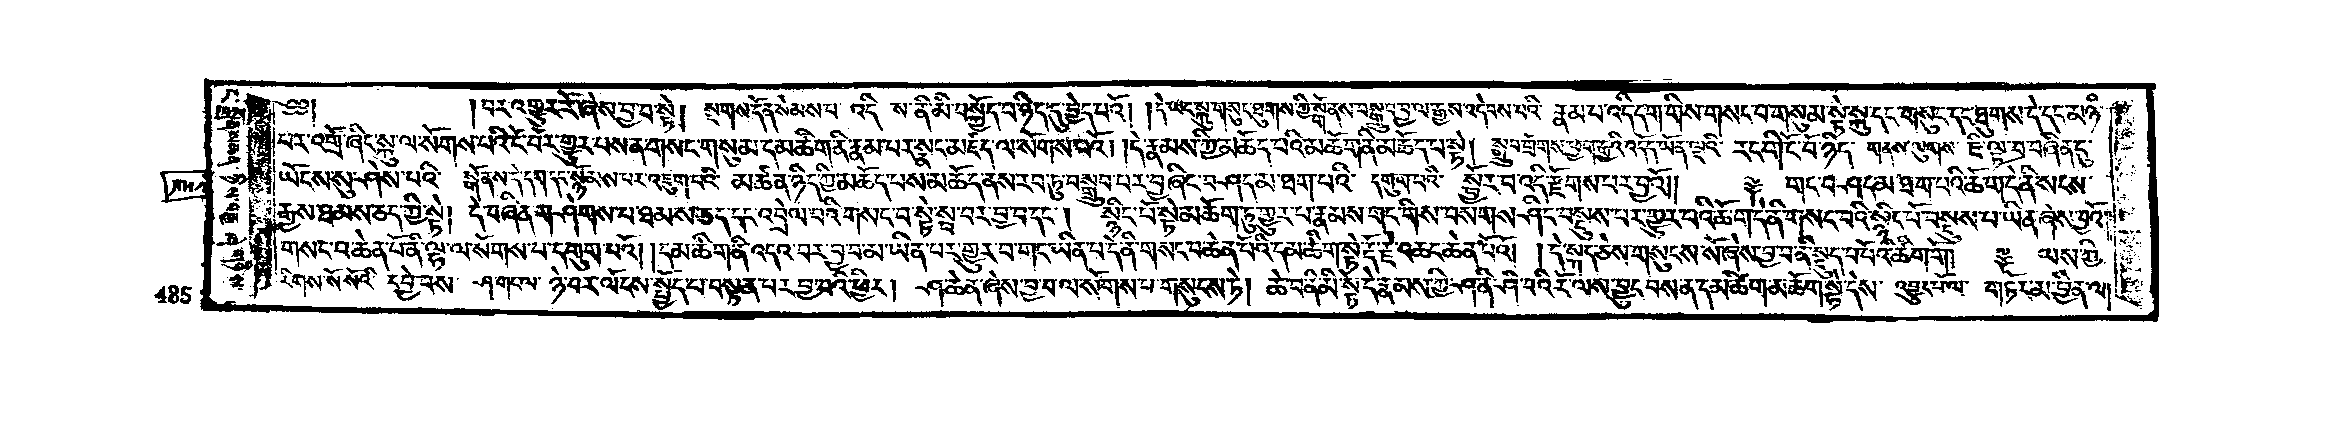༄༅། །བར་འགྱུར་རོ་ཞེས་བྱ་བ་སྟེ། སྔགས་དོན་སེམས་པ་འདིས་ནི་མི་བསྐྱོད་པ་ཉིད་དུ་བྱེད་པའོ། །དེ་ཡང་སྐུ་གསུང་ཐུགས་ཀྱི་སྒོ་ནས་བསྒྲུབ་བྱ་ལ་རྒྱས་འདེབས་པའི་རྣམ་པ་འདི་དག་གིས་གསང་བ་གསུམ་སྟེ་སྐུ་དང་གསུང་དང་ཐུགས་དེ་དང་མཉམ་
པར་འགྲོ་ཞིང་སྐུ་ལ་སོགས་པའི་ངོ་བོར་གྱུར་པས་ན་གསང་གསུམ་དམ་ཚིག་ནི་རྣམ་པར་སྣང་མཛད་ལ་སོགས་པའོ། །དེ་རྣམས་ཀྱི་མཆོད་པའི་མཆོག་ནི་མཆོད་པ་སྟེ། སྒྲུབ་གྲོགས་ཕྱག་རྒྱའི་འདོད་ཡོན་ལྔའི་རང་གི་ངོ་བོ་ཉིད་གནས་ལུགས་ཇི་ལྟ་བ་བཞིན་དུ་
ཡོངས་སུ་ཤེས་པའི་སྒོ་ནས་དེ་དག་དང་སྙོམས་པར་འཇུག་པའི་མཚན་ཉིད་ཀྱི་མཆོད་པས་མཆོད་ནས་རབ་ཏུ་བསྒྲུབ་པར་བྱ་ཞིང་བཤད་མ་ཐག་པའི་དགུག་པའི་སྦྱོར་བ་འདི་རྫོགས་པར་བྱའོ།། ༈ གང་བཤད་མ་ཐག་པའི་ཆོ་ག་དེ་ནི་སངས་
རྒྱས་ཐམས་ཅད་ཀྱི་སྟེ། དེ་བཞིན་གཤེགས་པ་ཐམས་ཅད་དང་འབྲེལ་བའི་གསང་བ་སྟེ་སྦ་བར་བྱ་བ་དང་། སྙིང་པོ་སྟེ་མཆོག་ཏུ་གྱུར་པ་རྣམས་གང་གིས་བསགས་ཤིང་བསྡུས་པར་གྱུར་པའི་ཆོ་ག་དེ་ནི་གསང་བའི་སྙིང་པོ་བསྡུས་པ་ཡིན་ཞེས་བྱའོ།།
གསང་བ་ཆེན་པོ་ནི་ལྷ་ལ་སོགས་པ་དགུག་པའོ། །དམ་ཚིག་ནི་འདའ་བར་བྱ་བ་མ་ཡིན་པར་གྱུར་བ་གང་ཡིན་པ་དེ་ནི་གསང་བ་ཆེན་པོའི་དམ་ཚིག་སྟེ་རྡོ་རྗེ་འཆང་ཆེན་པོའོ། །དེ་སྐད་ཅེས་གསུངས་སོ་ཞེས་བྱ་བ་ནི་སྡུད་པ་པོའི་ཚིག་གོ། ༈ ལས་ཀྱི་
རིགས་སོ་སོའི་དབྱེ་བས་ཤ་གང་ལ་ཉེ་བར་ལོངས་སྤྱོད་པ་བསྟན་པར་བྱ་བའི་ཕྱིར། ཤ་ཆེན་ཞེས་བྱ་བ་ལ་སོགས་པ་གསུངས་ཏེ། ཆེ་བ་ནི་མི་སྟེ་དེ་རྣམས་ཀྱི་ཤ་ནི་ཤི་བའི་རོ་ལས་བྱུང་བས་ན་དམ་ཚིག་མཆོག་སྟེ་དེས་འབྱུང་པོ་ལ་གཏོར་མ་བྱིན་ལ།